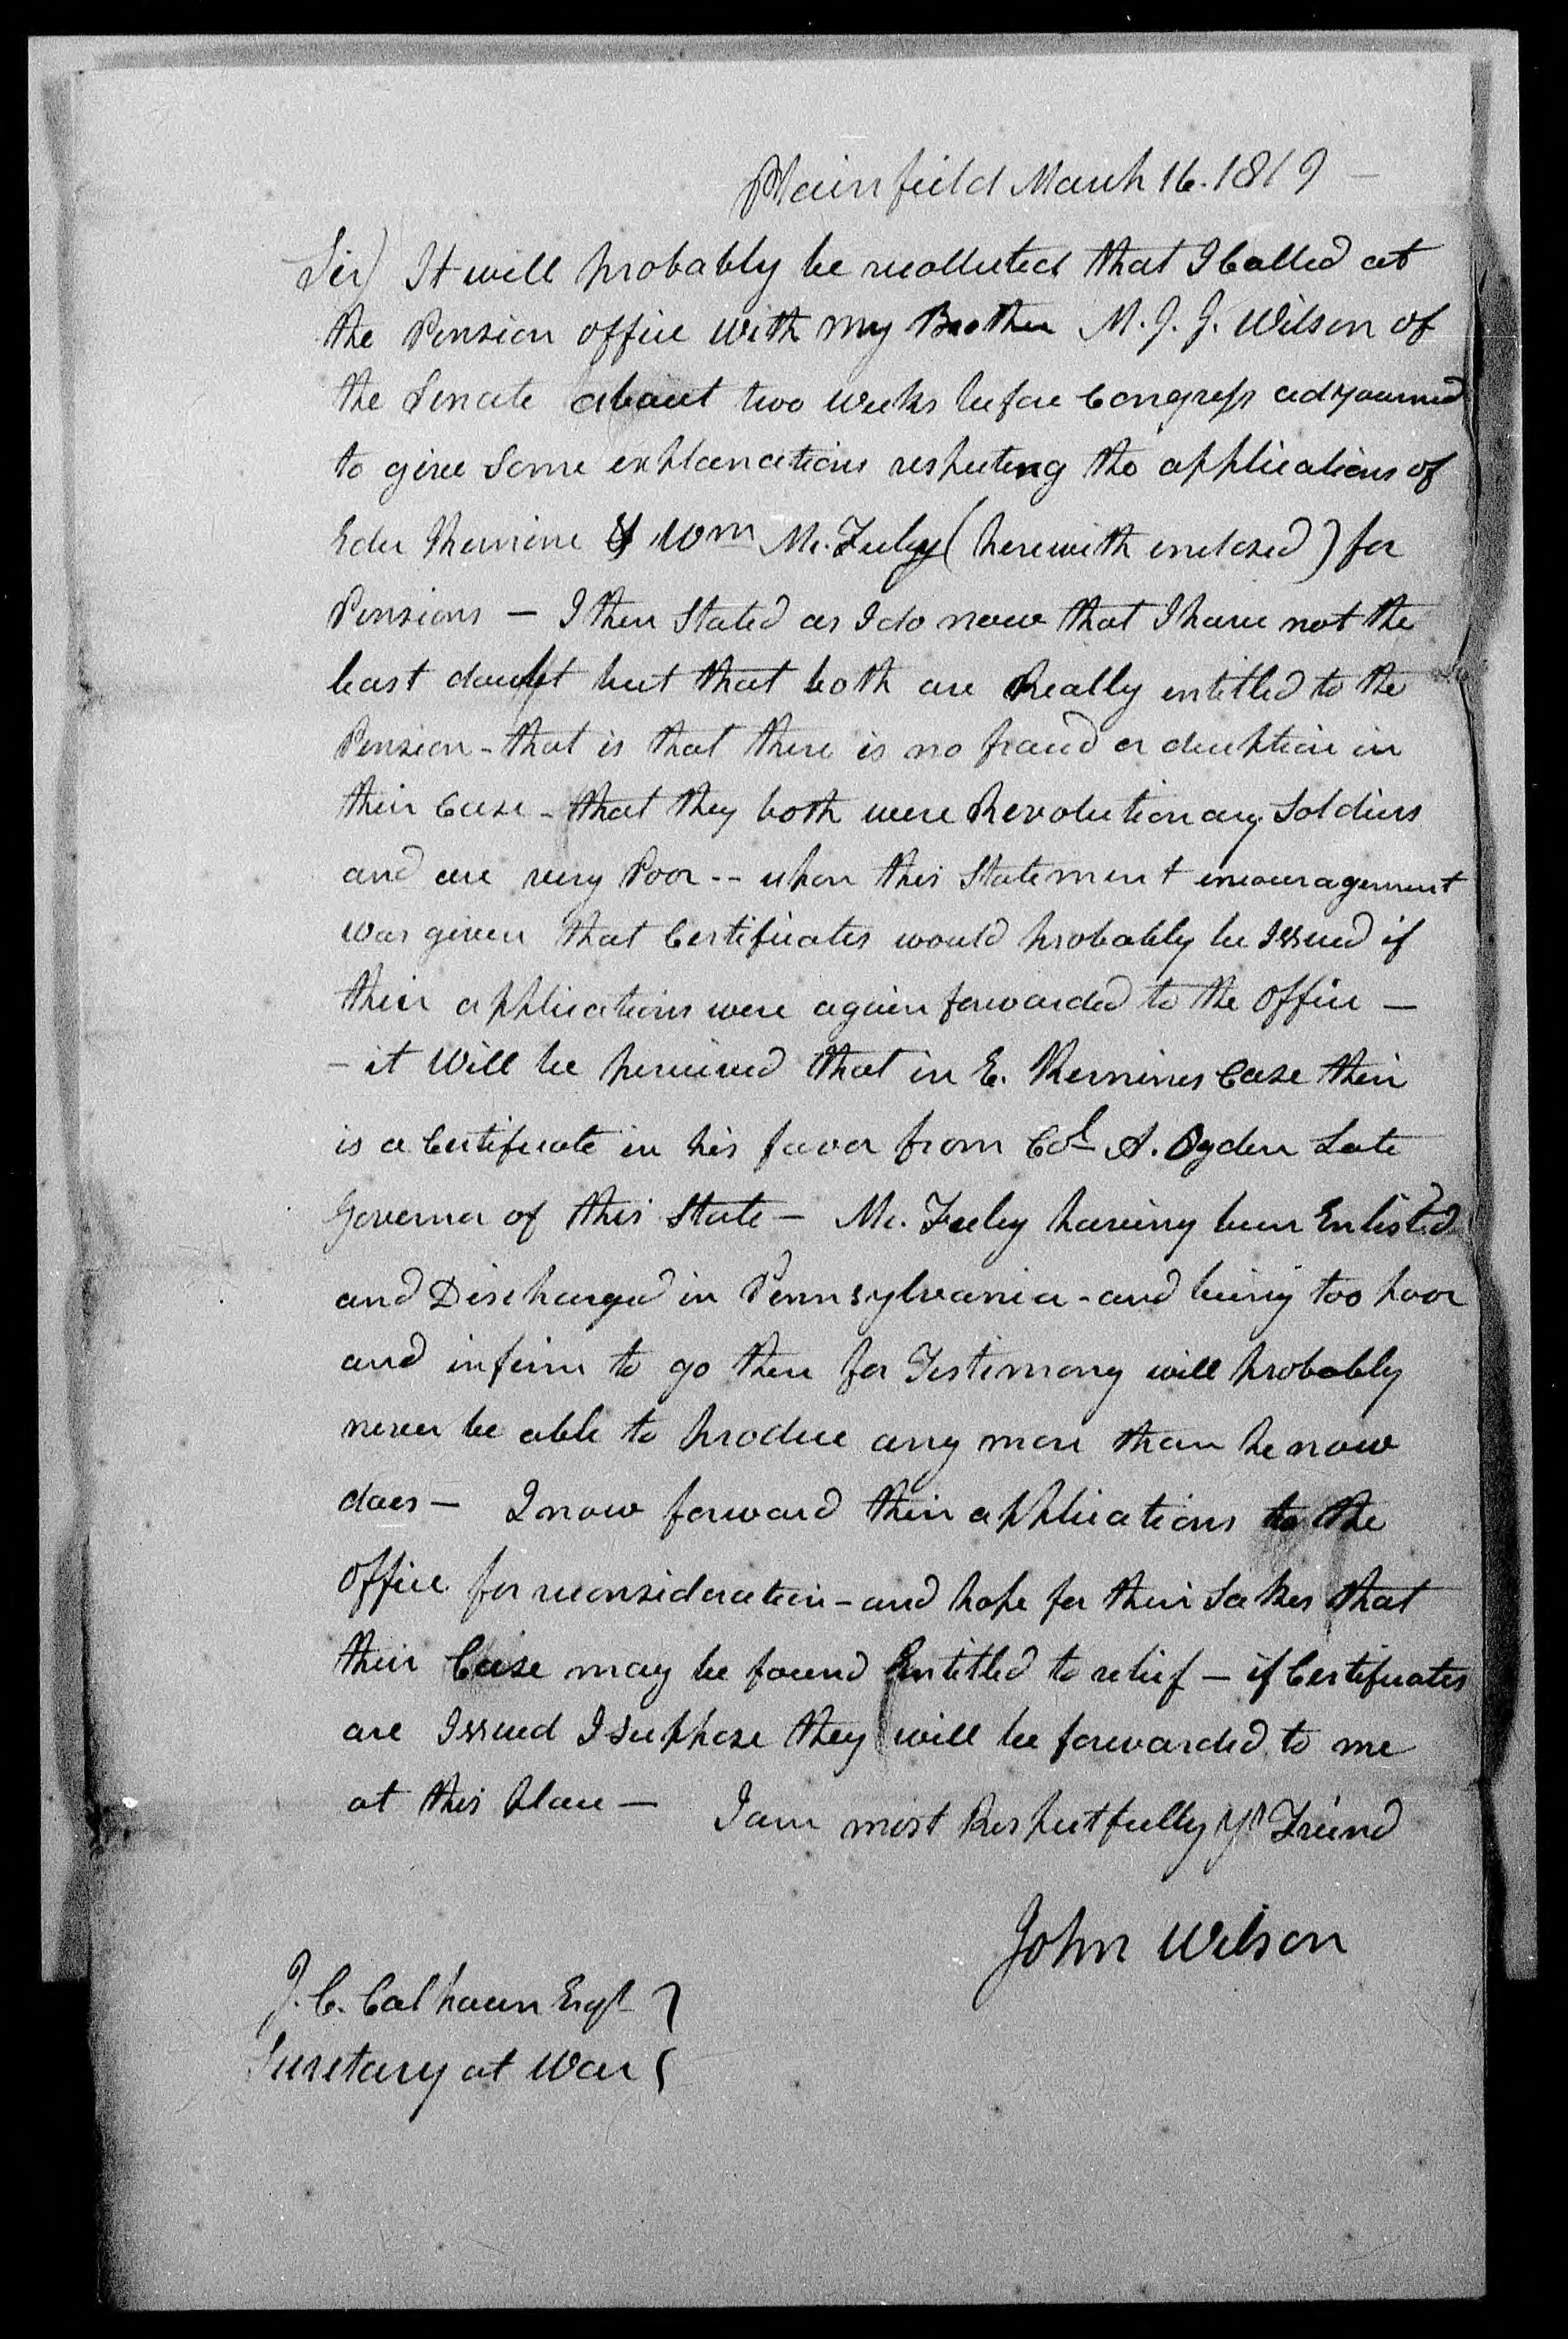Plainfield March 16. 1819
Sir It will probably be recollected that I called at
the Pension office with my Brother M. J. J. Wilson of
the Senate about two weeks before Congress adjourned
to give some explanitions respecting the applications of
der themine & Wm M. July (herewith enclosed) for
Pensions-- I then stated as I do now that I have not the
least doubt but that both are really entitled to the
Pension - that is that there is no fraud or deception in
their case-- that they both were Revolutionary soldiers
and are very poor. when this statement encouragement
was given that certificates would probably be issued if
their applications were again forwarded to the officeit
will be perceived that in E. Kernines case their
is a Certificate in his favor from Col A. Ogden late
Governor of this State. M. Feeley having been enlisted
and Discharged in Pennsylvania, and bury to have
and infirm to go there for Testimony will probably
never be able to produce any more than he now
does now forward their applications to the
office for reconsideration and hope for their sakes that
their
case may be found entitled to relief of certificates
are Issued I suppose they will be forwarded to me
at this place-
I am most respectfully Yr Friend
John Wilson

J.C. Calhoun Esqr
Secretary at War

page: 13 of 15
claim: survivor's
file: S. 33351, for Eder Kernine, New Jersey